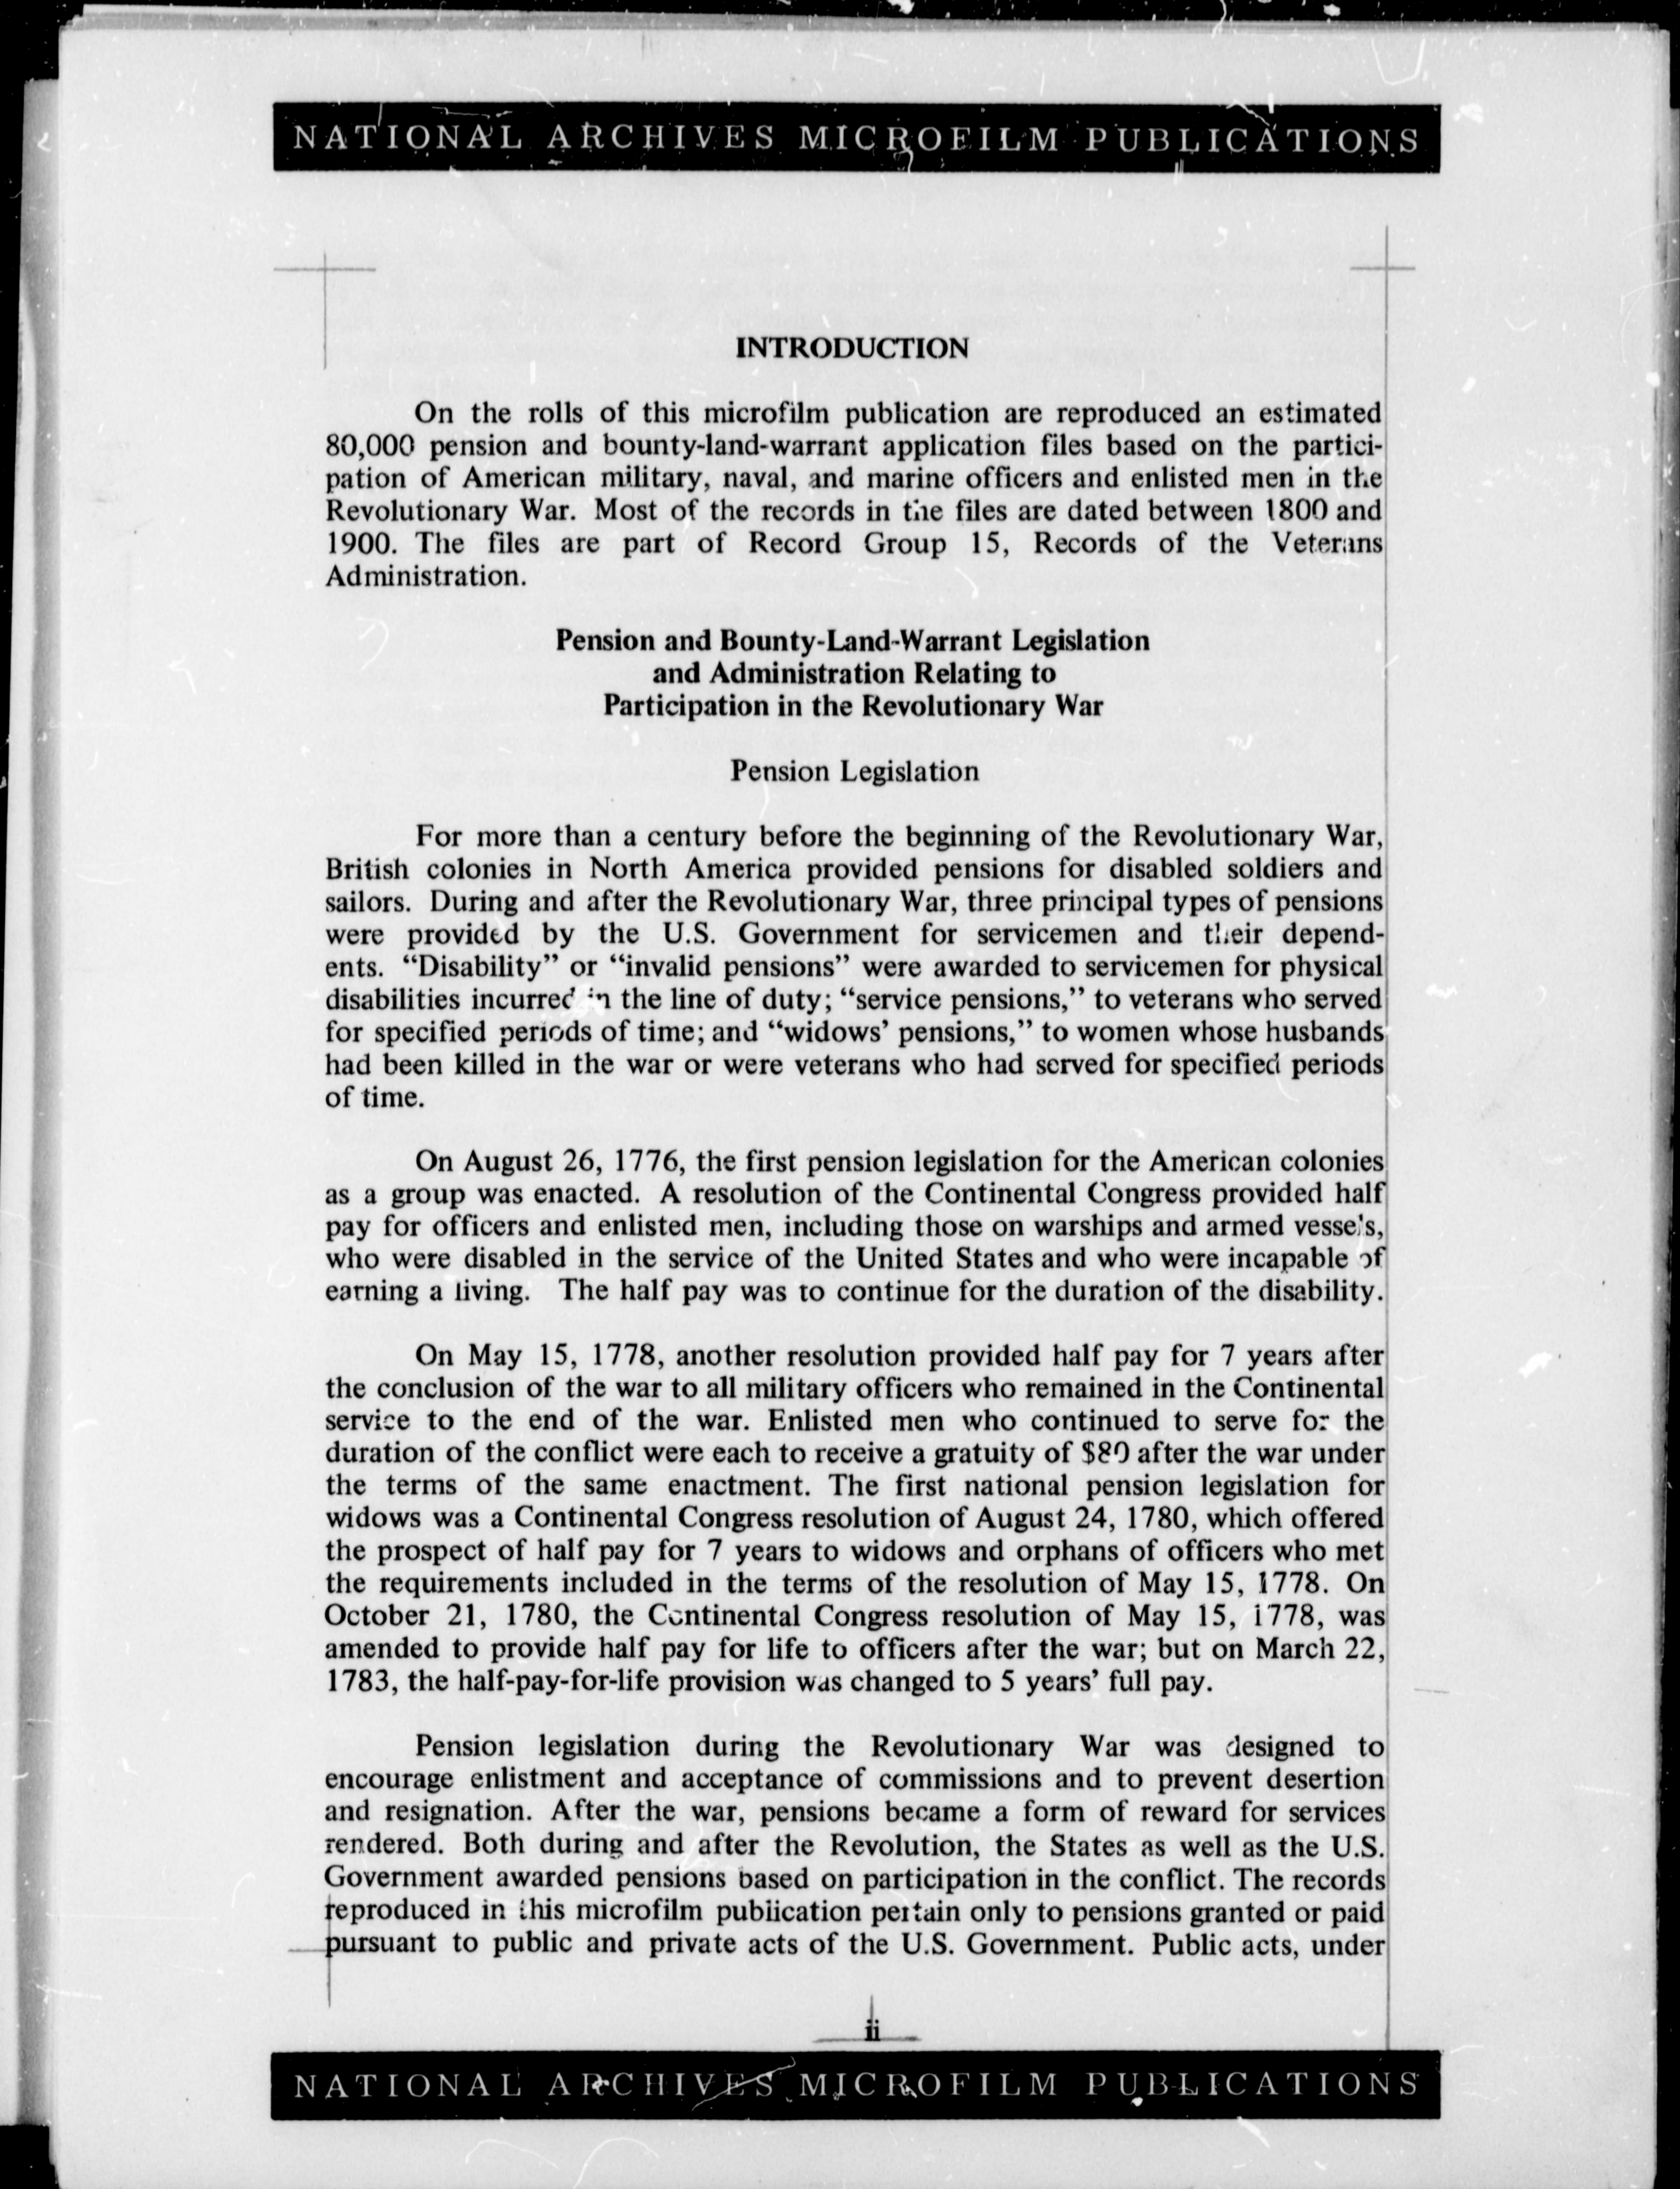NATIONAL ARCHIVES MICROFILM PUBLICATIONS

INTRODUCTION

On the rolls of this microfilm publication are reproduced an estimated 80,000 pension and bounty-land-warrant application files based on the participation of the American military, naval, and marine officers and enlisted men in the Revolutionary War. most of the records in the files are dated between 1800 and 1900. The files are part of Record Group 15, Records of the Veterans Administration.

Pension and Bounty-Land-Warrant Legislation and Administration Relating to Participation in the Revolutionary War.

Pension Legislation

For more than a century before the beginning of the Revolutionary War, British colonies in North America provided pensions for disabled soldiers and sailors. During and after the Revolutionary War, three principal types of pensions were provided by the U.S. Government for servicemen and their dependents. "Disability" or "invalid pensions" were awarded to servicemen for physical disabilities incurred in the line of duty; "service pensions," to veterans who served for specified periods of time; and "widows' pensions" to women whose husbands had been killed in the war or were veterans who had served for specified periods of time.

On August 26, 1776, the first pension legislation for American colonies as a group was enacted. A resolution of the Continental Congress provided half pay for officers and enlisted men, including those on warships and armed vessels, who were disabled in the service of the United States and who were incapable of earning a living. The half pay was to continue for the duration of the disability.

On May 15, 1778, another resolution provided half pay for 7 years after the conclusion of the war to all military officers who remained in the Continental service to the end of the war. Enlisted men who continued to serve for the duration of the conflict were each to receive a gratuity of $80 after the war under the terms of the same enactment. The first national pension legislation for widows was a Continental Congress resolution of August 24, 1780, which offered the prospect of half pay for 7 years to widows and orphans of officers who met the requirements including the terms of the resolution of May 15, 1778. On October 21, 1780, the Continental Congress resolution of May 15, 1778, was amended to provide half pay for life to officers after the war; but on March 22, 1783, the half-pay-for-life provision was changed to 5 years' full pay.

Pension legislation during the Revolutionary War was designed to encourage enlistment and acceptance of commissions and to prevent desertion and resignation. After the war, pensions became a form of reward for services rendered. Both during and after the Revolution, the States as well as the U.S. Government awarded pensions based on participation in the conflict. The records reproduced in this microfilm publication pertain only to pensions granted or paid pursuant to public and private acts of the U.S. Government. Public acts, under...

NATIONAL ARCHIVES MICROFILM PUBLICATIONS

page: 2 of 61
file: Revolutionary War Pension and Bounty Land Warrant Application File